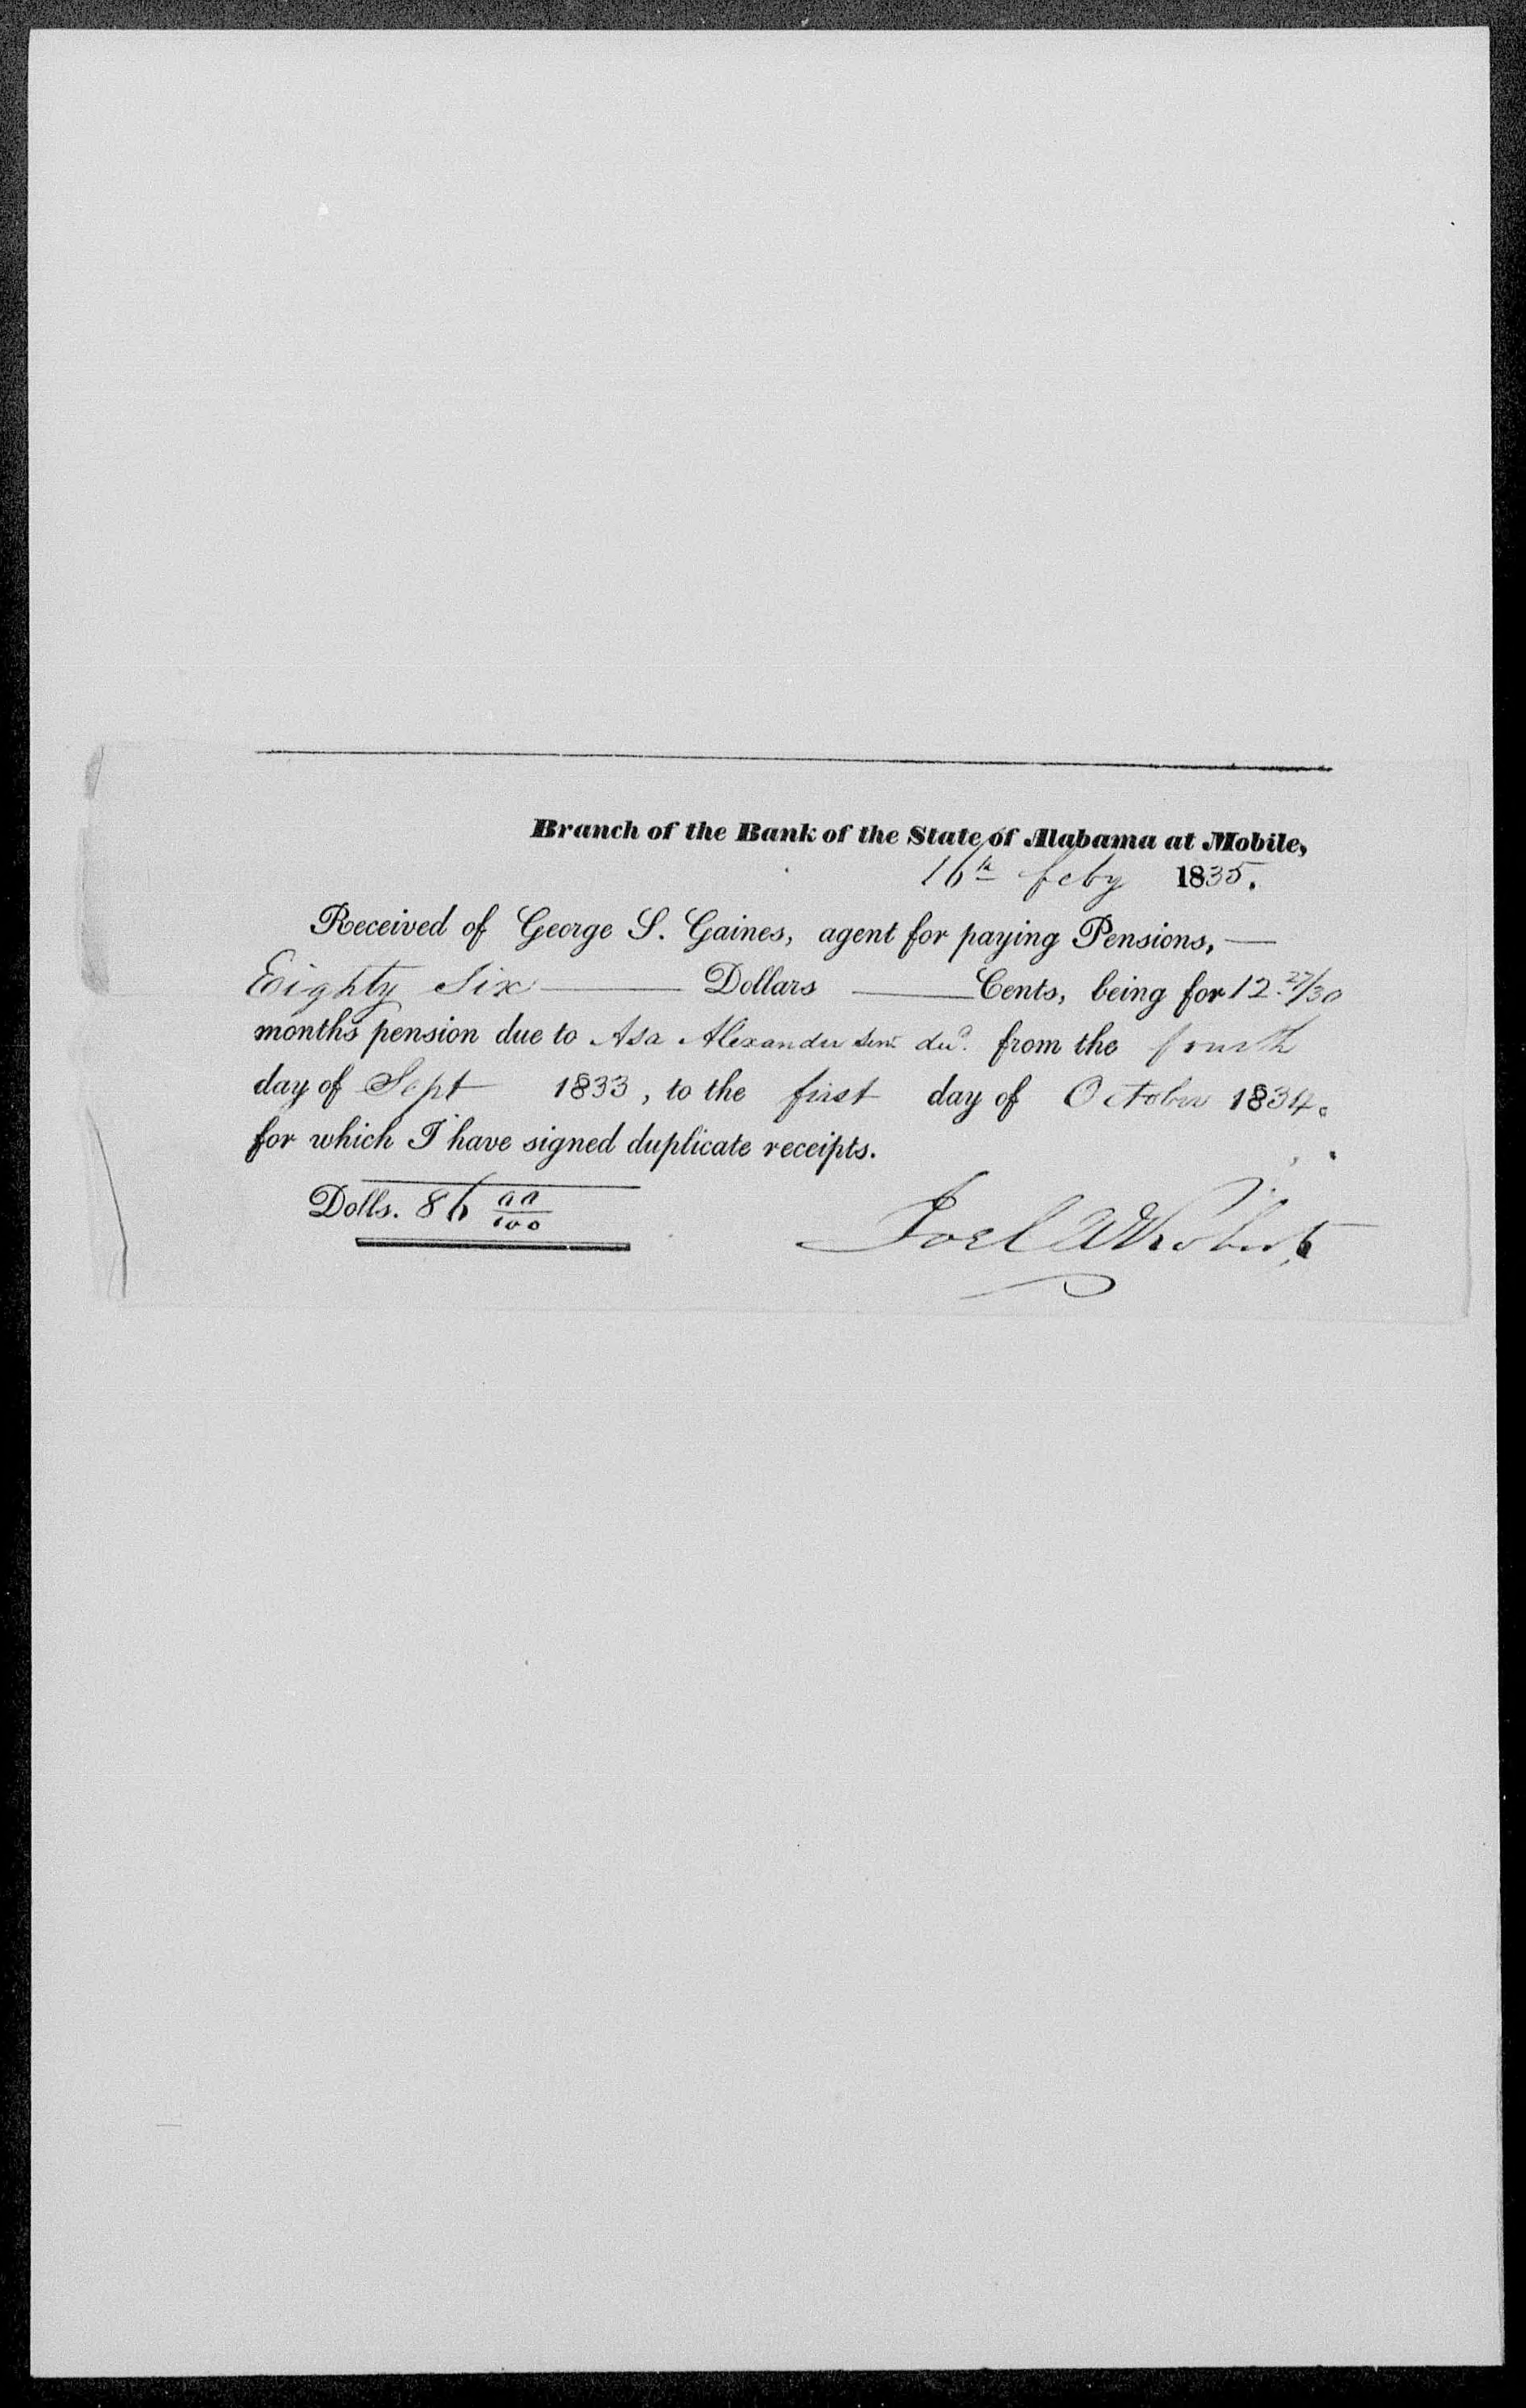Branch of the Bank of the State of Alabama at Mobile
16th February 1835
Received of George S. Gaines, agent for paying Pensions, Eighty Six Dollars Cents, being for 12 27/30 months due to Asa Alexander snr du from the fourth day of Sept 1833, to the first day of October 1834 for which I have signed duplicate receipts.
Dolls. 86 00/100
Joel W Robert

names: Asa Alexander, George S Gaines, Joel W Robert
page: 17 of 35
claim: survivor's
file: S. 32092, Asa Alexander, Ga.